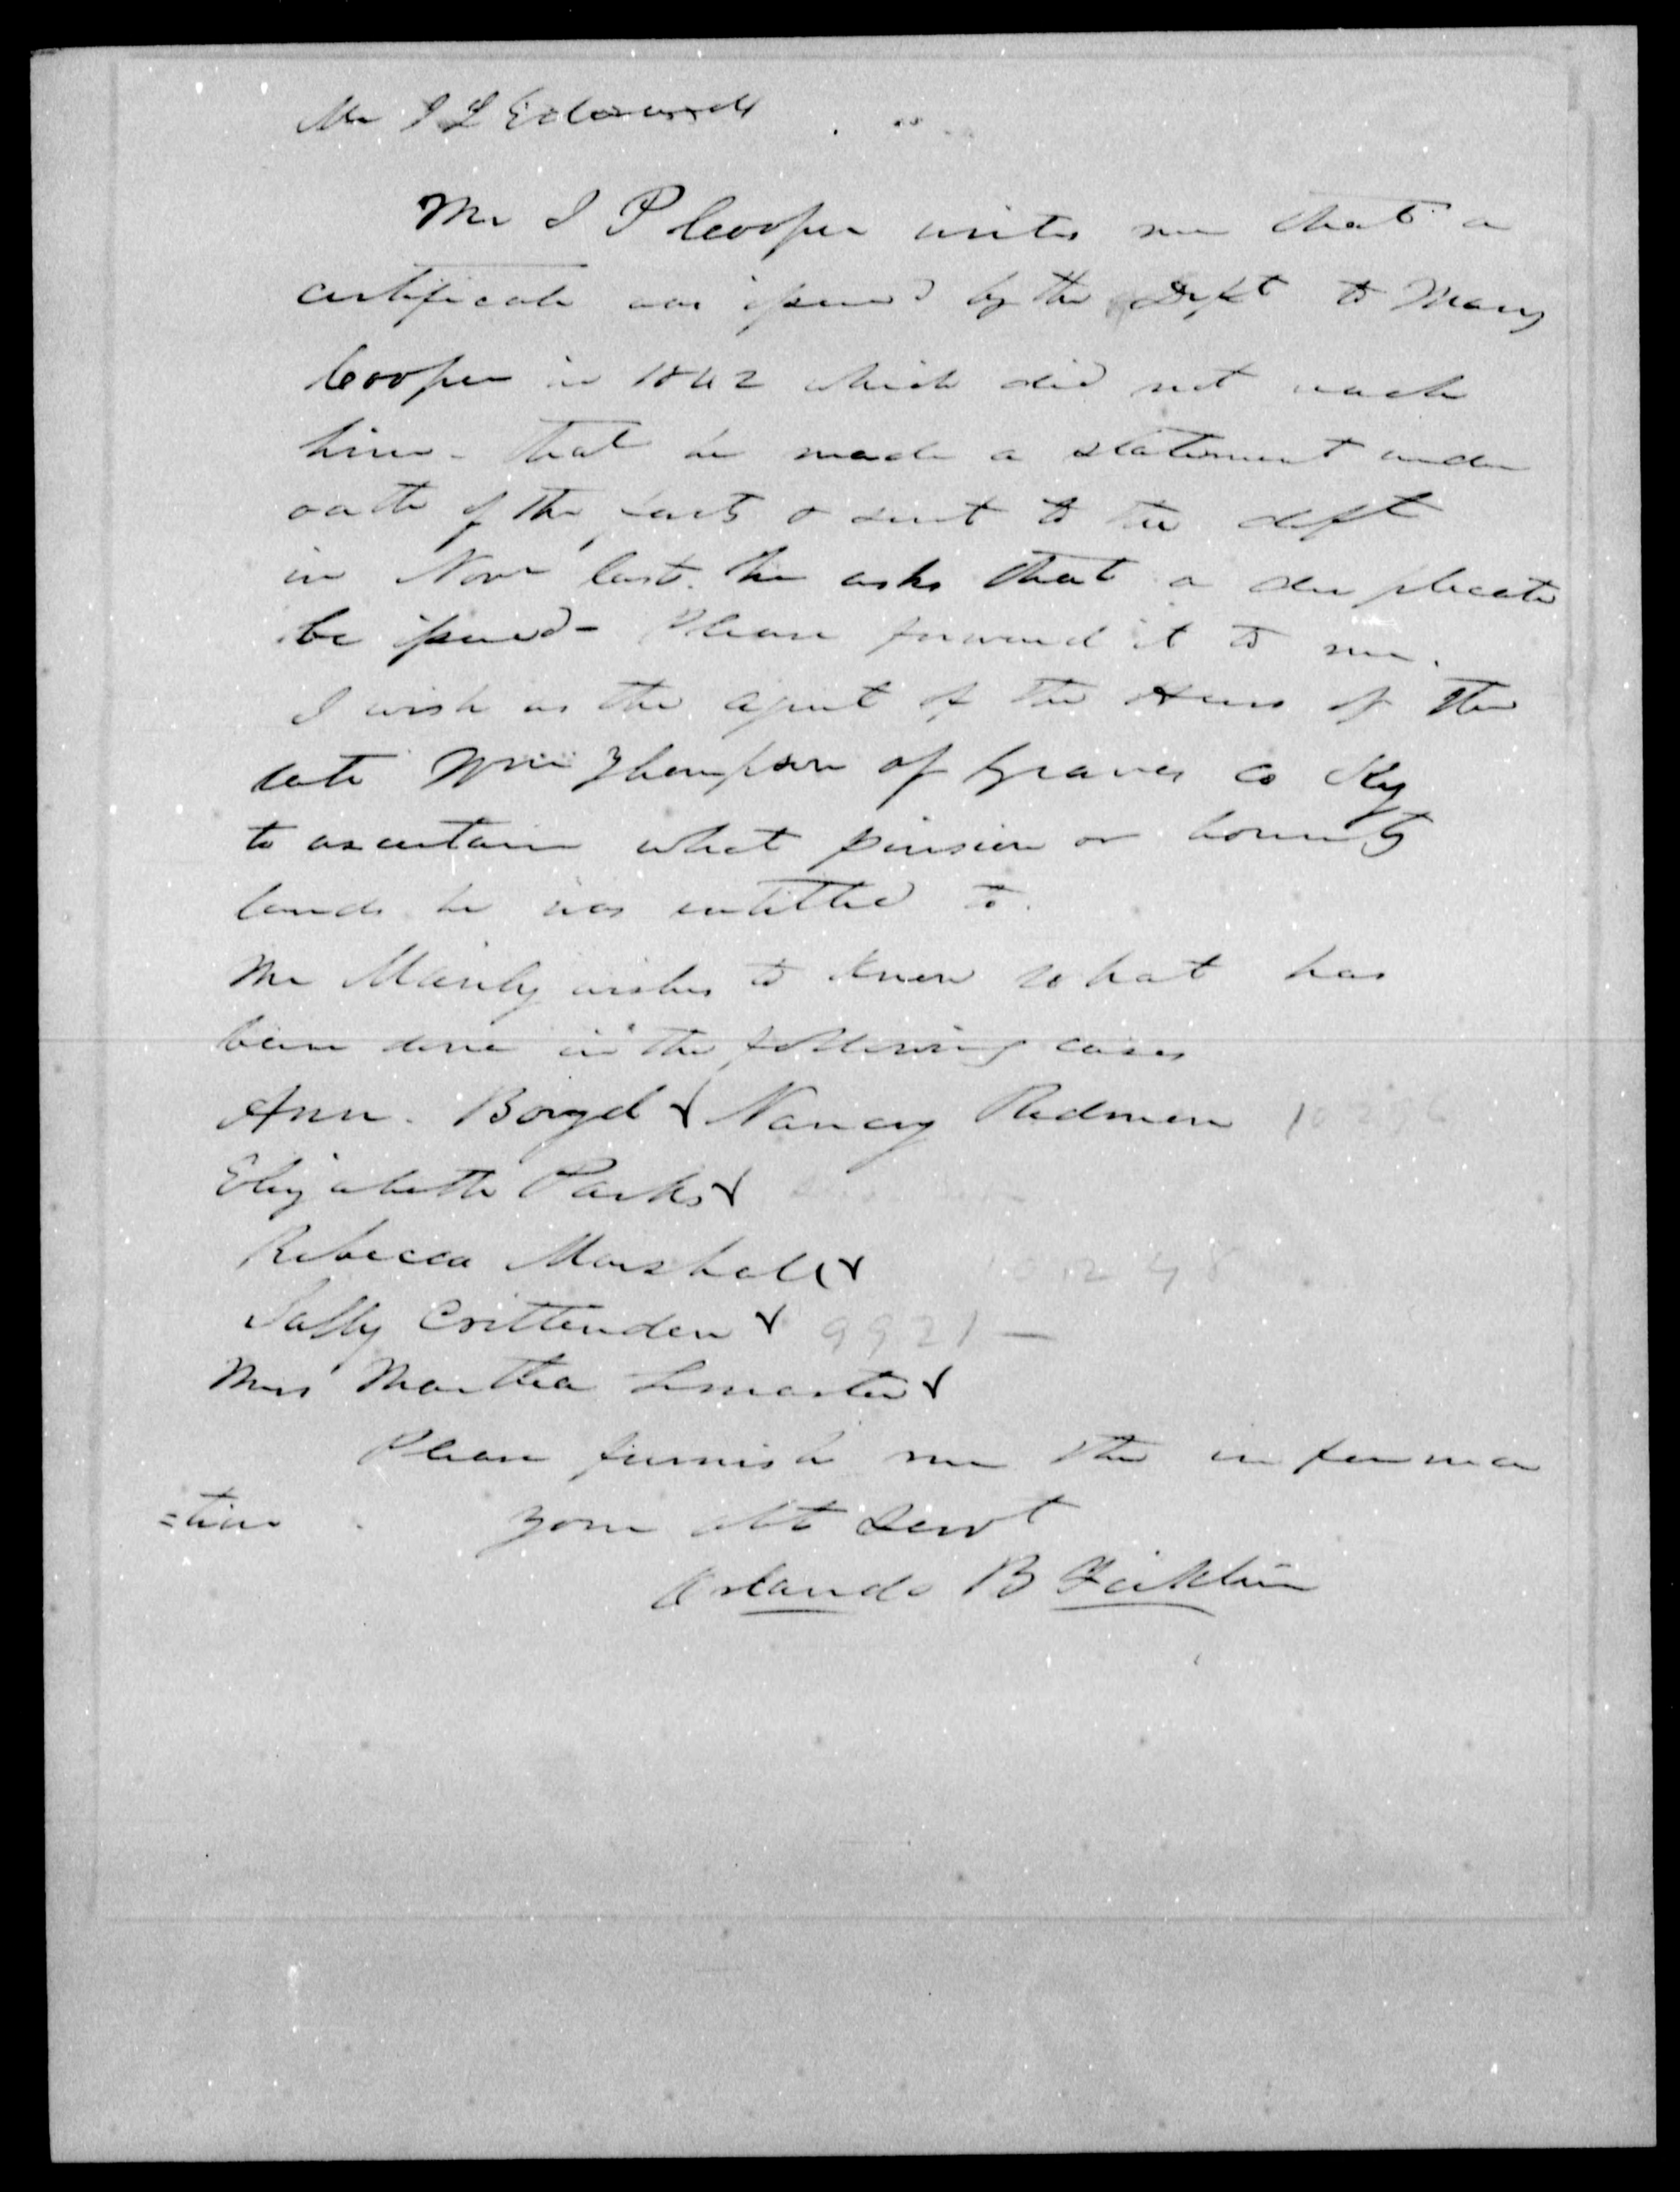Mr JL Edwards

Mr J P Cooper writes me that a certificate was issued by the Dept to Mary Cooper in 1842 which did not reach him.  that he made a statement under oath of the facts & sent to the dept in Novr last.  He asks that a duplicate be issued.  Please forward it to me.
I wish as the agent of the heirs of the late Wm. Thompson of Graves Co Ky to ascertain what pension or bounty lands he was entitled to.
Mr Manly wishes to know what has been done in the following cases
Ann Boyd    Nancy Redman  10296
Elizabeth Parks
Rebecca Marshall  10248
Sally Crittenden  9921
Mrs Martha Lemaster
Please furnish me the information
Your obt servt
Orlands B Ficklin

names: Wm Thompson; Rebecca Marshall; [BLANK] Manly; Sally Crittenden; Elizabeth Parks; Mary Cooper; Martha Lemaster; Ann Boyd; Nancey Redmon; Orlando B Ficklin; J P Cooper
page: 26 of 57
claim: widow's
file: W. 9,622, for Aaron Redman, Virginia